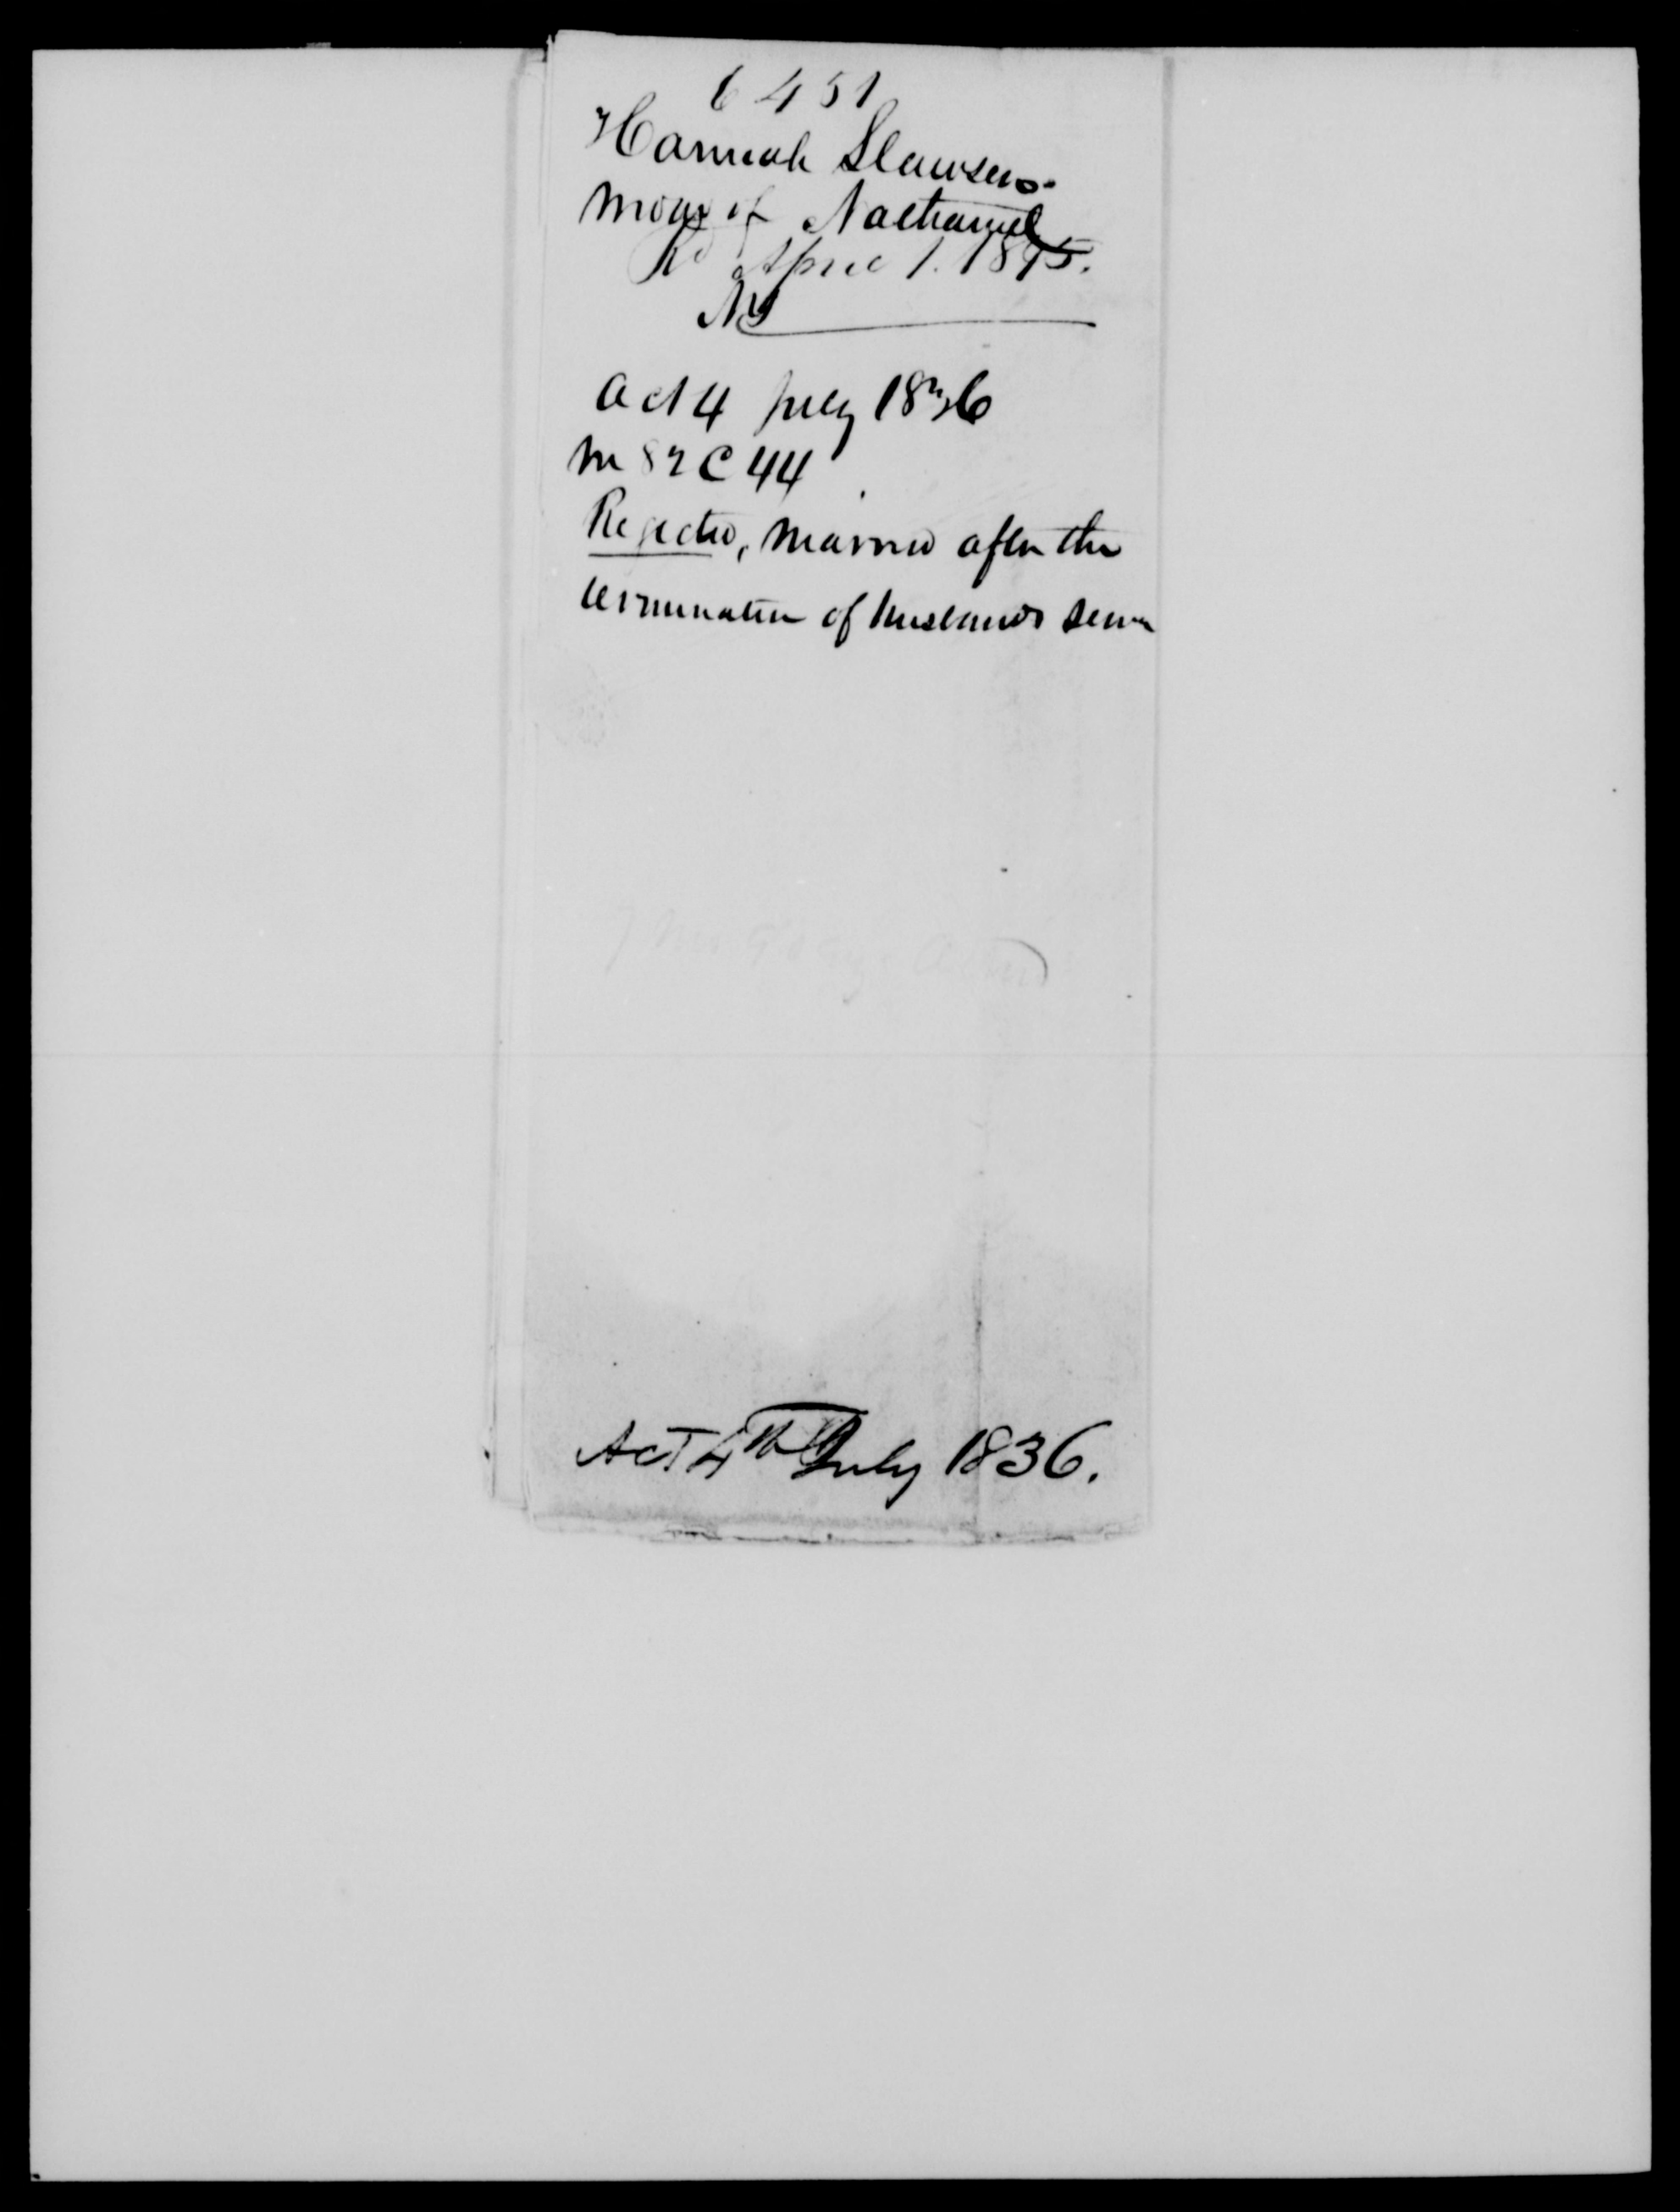6451
Hannah Slawson
Widow of Nathaniel
Rev
April 1 1895
NY
Act 4 July 1836
M 82 c 44
Rejected, married after the termination of husbands service.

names: Nathaniel Slawson; Hannah Slawson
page: 14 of 87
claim: widow's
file: W. 22,226, for Nathan Slawson, Connecticut